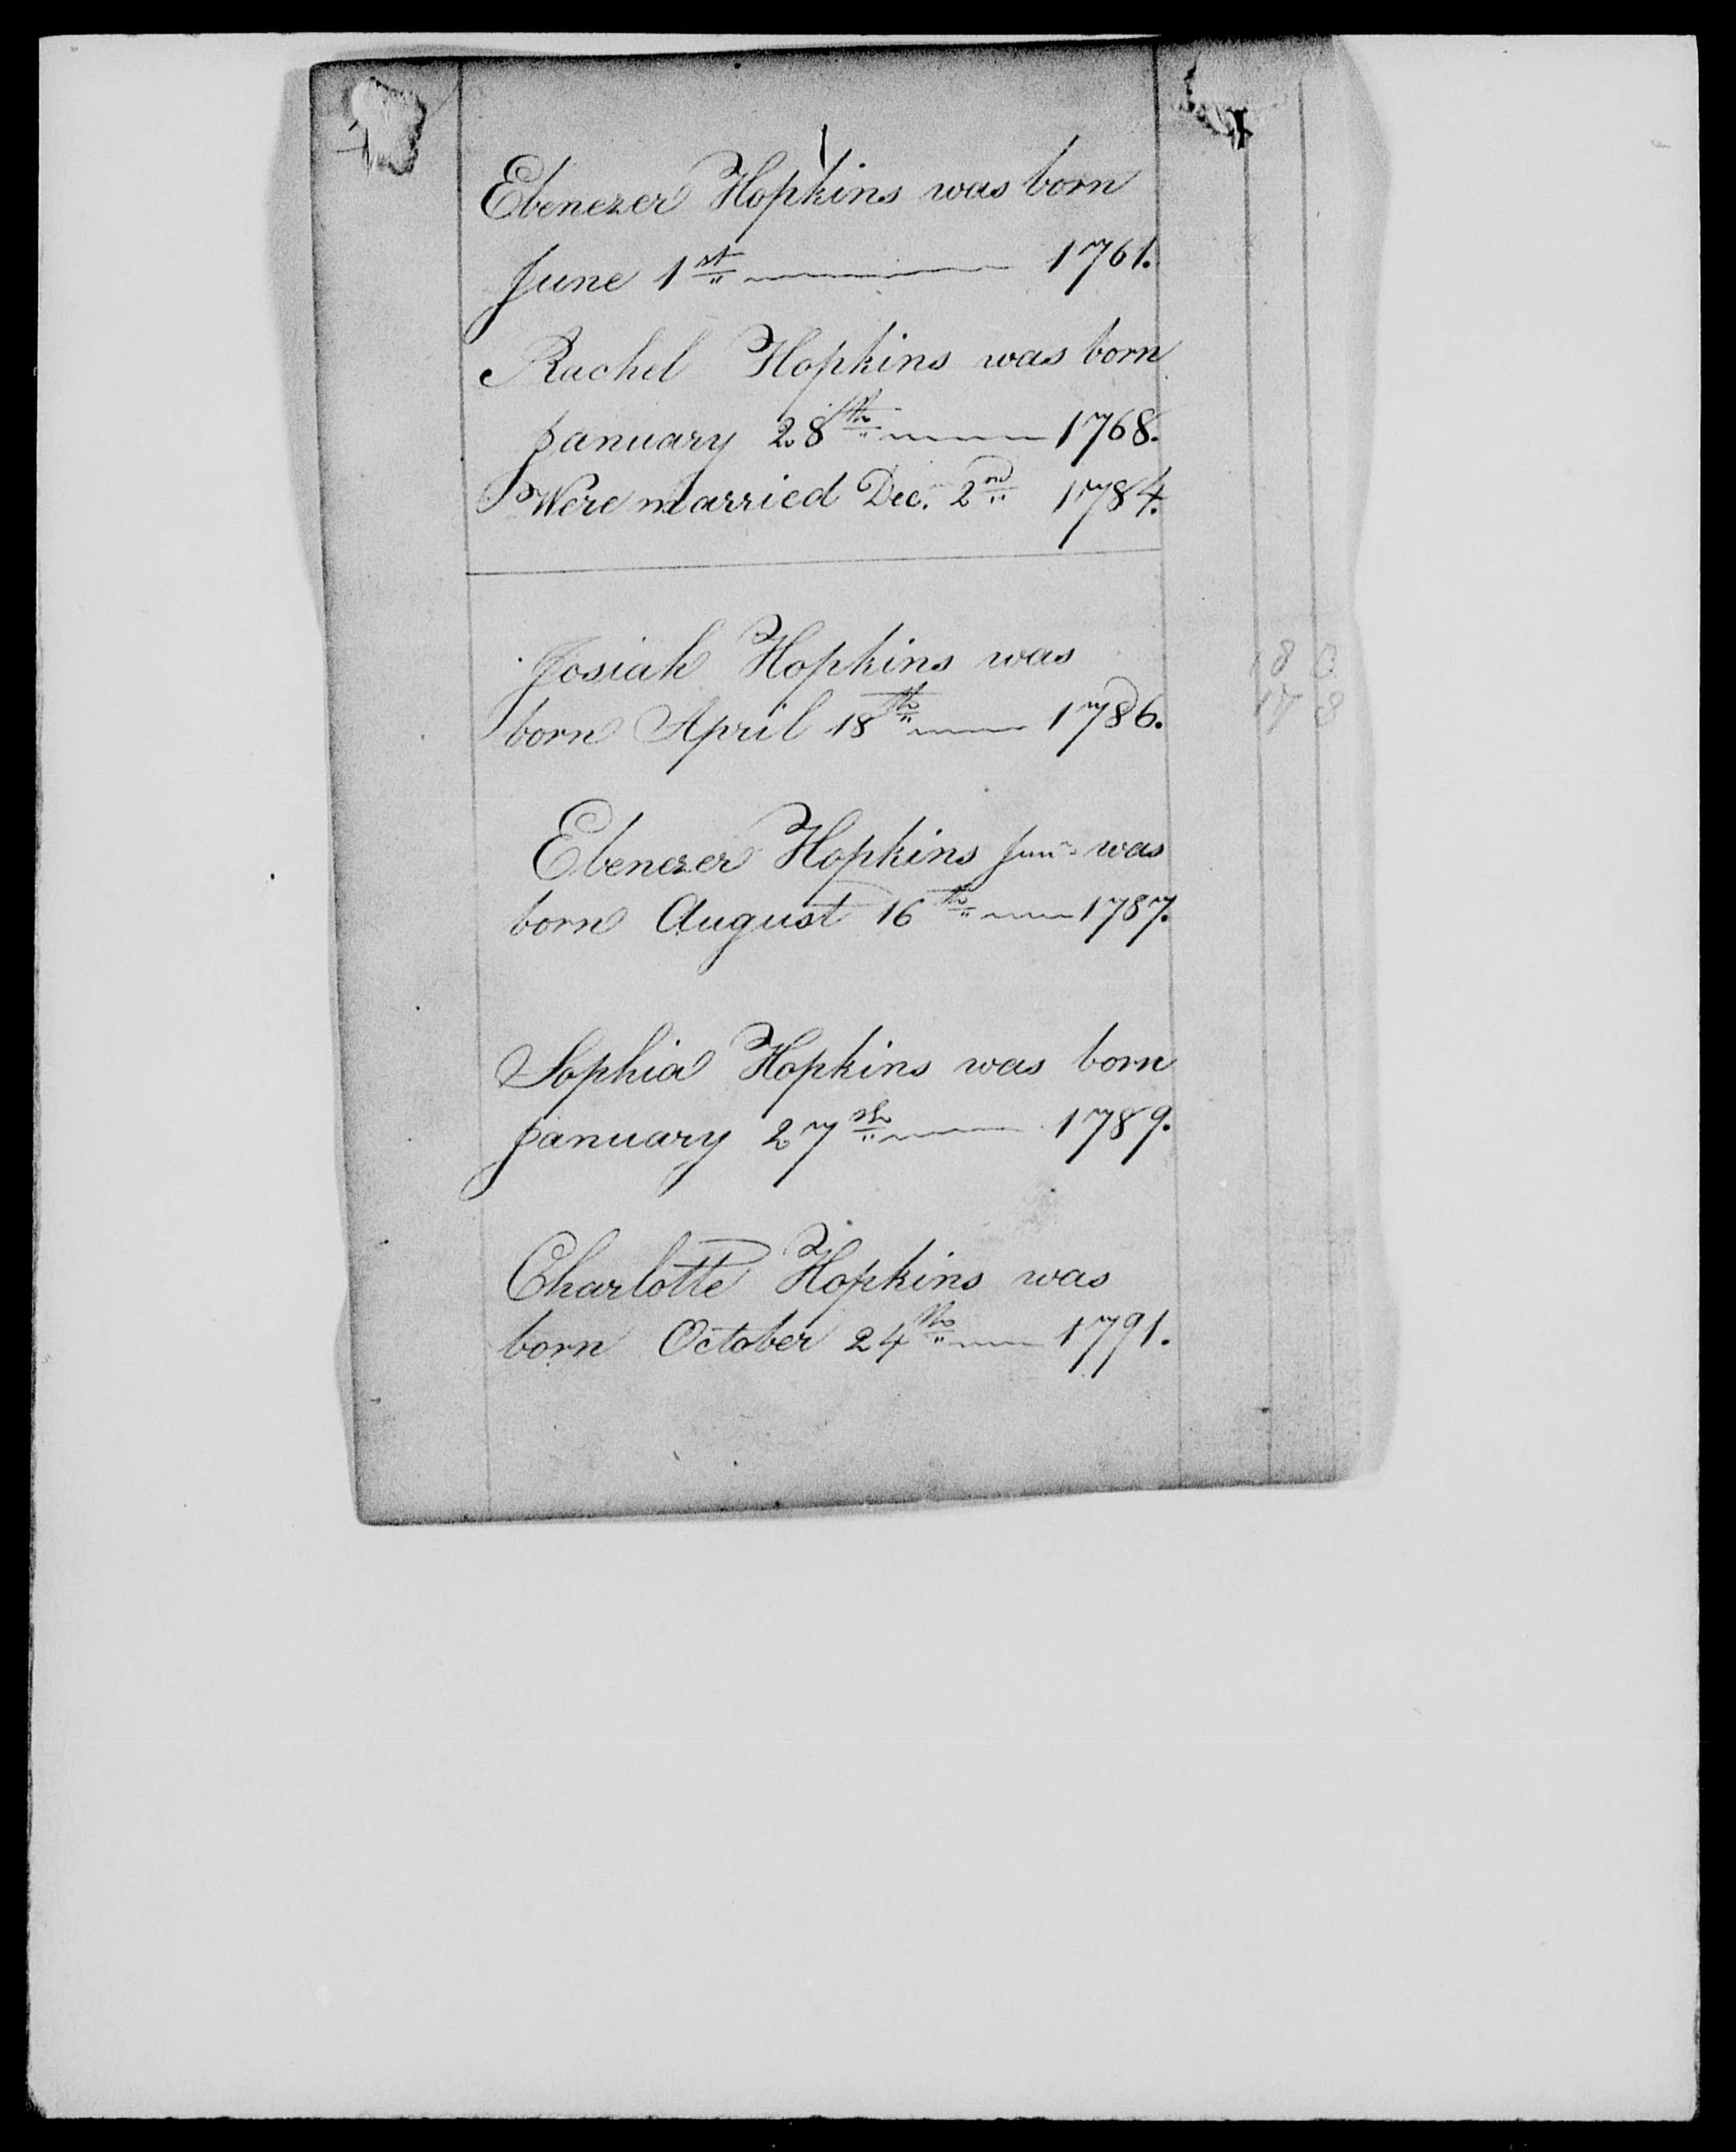Ebenezer Hopkins was born
June 1st ----- 1761.
Rachel Hopkins was born
January 28th ----- 1768
Were married Dec. 2nd 1784.
Josiah Hopkins was
born April 18th -----1786.
Ebenezer Hopkins Junr was ┃
born August 16th ----- 1787.
Sophia Hopkins was born
January 27th ---- 1789.
Charlotte Hopkins was
born October 24th ---- 1791.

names: Rachel Hopkins, Josiah Hopkins, Sophia Hopkins, Ebenezer Hopkins, Charlotte Hopkins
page: 121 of 144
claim: rejected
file: R. 5208, Dennis Hopkins, N.C.